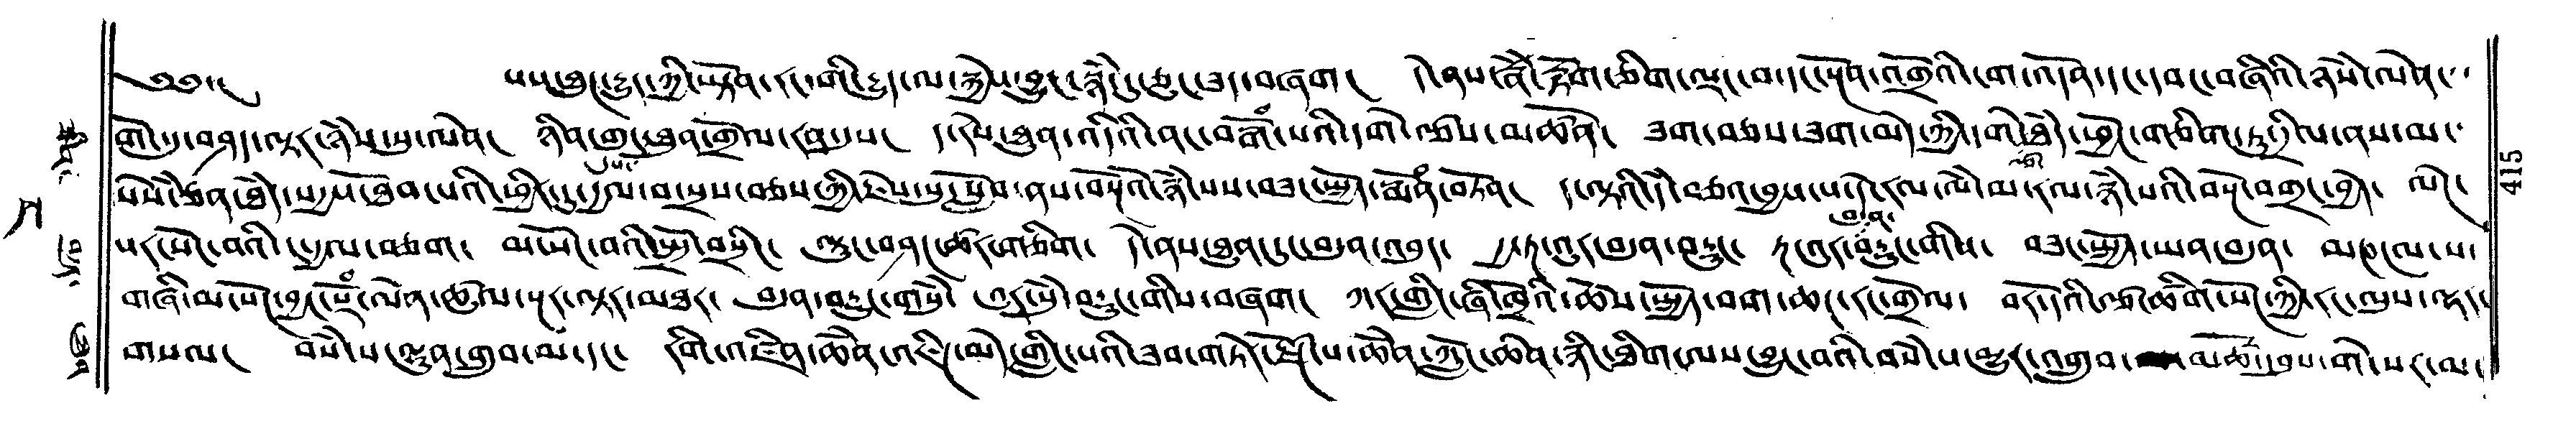པས་ཐུགས་རྒྱུད་ཀྱི་ཡོན་ཏན་རང་གི་རྒྱུད་ལ་སྐྱེས་བྱུང་སྙམ་དུ་ཅུང་ཟད་གཞག དེ་ནས་རྣམ་རྟོག་ཅིག་ལྡང་བ་དང་སྔོན་འགྲོའི་ངག་འདོན་དང་དབང་བཞིའི་ཉམས་ལེན་
གོང་དུ་བཤད་པ་ལྟར་ཉམས་སུ་ལེན། ཉིན་གུང་དུས་ཐུན་གྲོལ་རན་དུས། ད་རེས་ཐུན་འདིའི་ནང་བསྒོམས་པའི་དགེ་རྩས་མཚོན། ཟག་བཅས་ཟག་མེད་ཀྱི་དགེ་རྩ་ཐམས་ཅད་ཕྱོགས་གཅིག་ཏུ་དྲིལ་ནས་མ་
སེམས་ཅན་ཐམས་ཅད་སངས་རྒྱས་ཐོབ་པའི་ཕྱིར་ཏུ་རྒྱལ་བ་སྲས་བཅས་ཀྱི་རྗེས་སུ་སློབ་ནས་བསྔོའོ་སྙམ་པས་བཟང་སྤྱོད་སྨོན་ལམ་འདཽན། ད་ལྟའི་དམ་བཅའ་བྱས་པ་དེ་རལ་ལམ་མ་རལ་སྙམ་པའི་བསྔོ་བགྲང་བྱེད། ལེགས་
པར་སོང་བའི་ང་རྒྱལ་བཅག མ་སོང་བའི་སྤྲོ་བསྲིང་། ལྟུང་བཤགས་ཚར་གཅིག དེ་ནས་ཐུན་དུང་བདུན་འབུད། རྒྱ་རྔ་འུར་བདུན་རྡུང་། རྔ་འུར་བདུན་རྡུང་གིས། བཟང་སྤྱོད་ཡན་བདུན། མཎྜལ་ས་
གཞི་མ་སོགས་བྱང་སྡོམ་ལེན་ཚུལ་སྔར་ལྟར་མཐར། བདུན་རྡུང་གསུམ། འུར་སུམ་རྡུང་གིས་གཞག ཀར་གླིང་ཞི་ཁྲོའི་ཆོས་སྤྱོད་བག་ཆགས་རང་གྲོལ། བར་དོའི་རྩ་ཚིག་སོགས་ཀྱི་རང་ལུས་ལྷར་
གསལ། བསམ་པ་ལྷུན་གྲུབ་མ་དང་། རིག་འཛིན་ཆེན་པོ་འཇིགས་མེད་གླིང་པའི་ཟབ་གཏེར་རྫོགས་པ་ཆེན་པོ་ཀློང་ཆེན་སྙིང་ཐིག་ལས་བྱུང་བའི་བསམ་པ་མྱུར་འགྲུབ། མཚོ་དབུས་གེ་སར་མ།